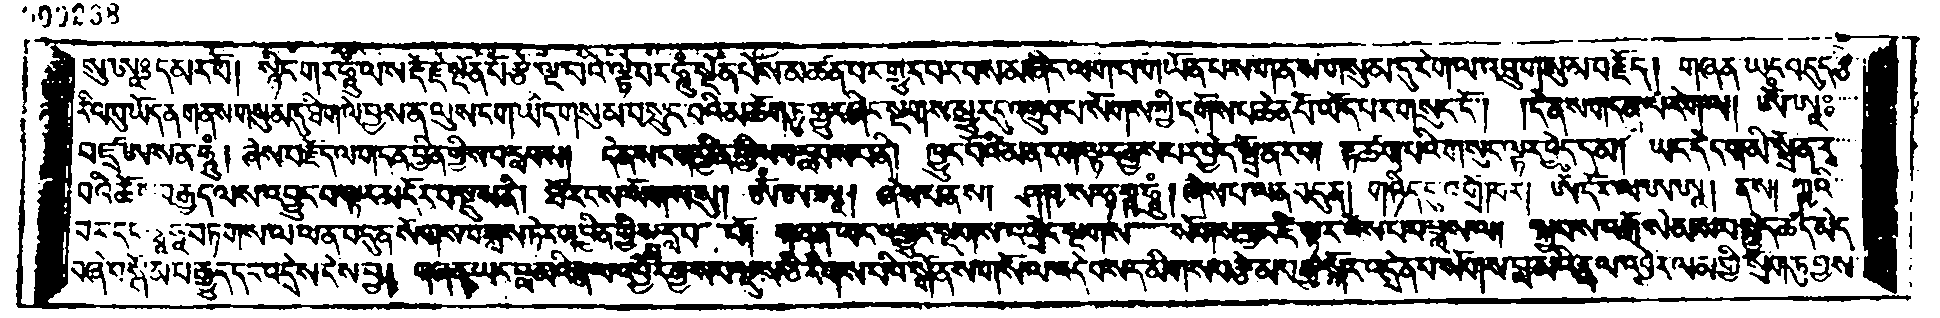སུ་ཨཱཿ དམར་པོ། སྙིང་གར་ཧཱུཾ་ལས་རྡོ་རྗེ་སྔོན་པོ་རྩེ་ལྔ་བའི་ལྟེ་བར་ཧཱུཾ་སྔོན་པོས་མཚན་པར་གྱུར་བར་བསམ་ཞིང་ལག་པ་གཡོན་པས་གནས་གསུམ་དུ་རེག་ལ་འབྲུ་གསུམ་བརྗོད། གཞན་ཡང་བདུད་རྩི་
རིལ་བུ་ཡོད་ན་གནས་གསུམ་དུ་ཐིག་ལེ་བྱས་ན་ལུས་ངག་ཡིད་གསུམ་བསྲུང་བའི་མཆོག་ཏུ་གྱུར་ཞིང་སྔགས་མྱུར་དུ་འགྲུབ་པ་སོགས་ཀྱི་དགོས་པ་ཆེན་པོ་ཡོད་པར་གསུང་ངོ། །དེ་ནས་གདན་ལ་ན་རེག་ལ། ཨོཾ་ཨཱཿ
བཛྲ་ཨ་ས་ན་ཧཱུཾ། ཞེས་བརྗོད་ལ་གདན་བྱིན་གྱིས་བརླབས། དེ་ནས་ངག་བྱིན་གྱིས་བརླབས་པ་ནི། ཁྱུང་བོའི་མན་ངག་ལྟར་རྒྱས་པར་བྱེད་སྤྲོན་རབ། རྟ་ཚག་པའི་གསུང་ལྟར་བྱེད་དམ། ཡང་དེ་དག་མི་སྤྲོན་རྭ་
བའི་ཆོས་བརྒྱད་ལས་འབྱུང་བ་ལྟར་མདོར་བསྡུས་ནི། ཐོ་རངས་སོགས་སུ། ཨོཾ་ཨ་ཨཱ། ཞེས་པ་ནས། ཤ་ཥ་ས་ཧ་ཀྵ་ཧཱུཾ། ཞེས་པ་ལན་བདུན། གཉིད་དུ་འགྲོ་ཁར། ཨོཾ་དོར་ལ་ཨ་ཨཱ། ནས། ཀྵའི་
བར་དང་སྭཱ་ཧཱ་བཏགས་ལ་ལན་བདུན་སོགས་བཟླས་ཏེ་ངག་བྱིན་གྱིས་བརླབ་པོ། གཞན་ཡང་འགྱུར་སྔགས་འཕྲེང་སྔགས་སོགས་ཀྱང་ཇི་ལྟར་འོས་པ་བཟླས་ལ། སྐྱབས་འགྲོ་སེམས་བསྐྱེད་ཚད་མེད་
བཞི་བསྒོམ་པ་རྒྱུད་དང་འདྲེས་ངེས་བྱ། གཞན་ཡང་བླ་མའི་རྣལ་འབྱོར་རྒྱས་བསྡུས་ཅི་རིགས་པའི་སྒོ་ནས་གསོལ་འདེབས་དམིགས་བརྩེ་མ་བརྒྱ་སྐོར་འདྲེན་པ་སོགས་བླ་མའི་རྣལ་འབྱོར་ལམ་གྱི་སྲོག་ཏུ་བྱས་